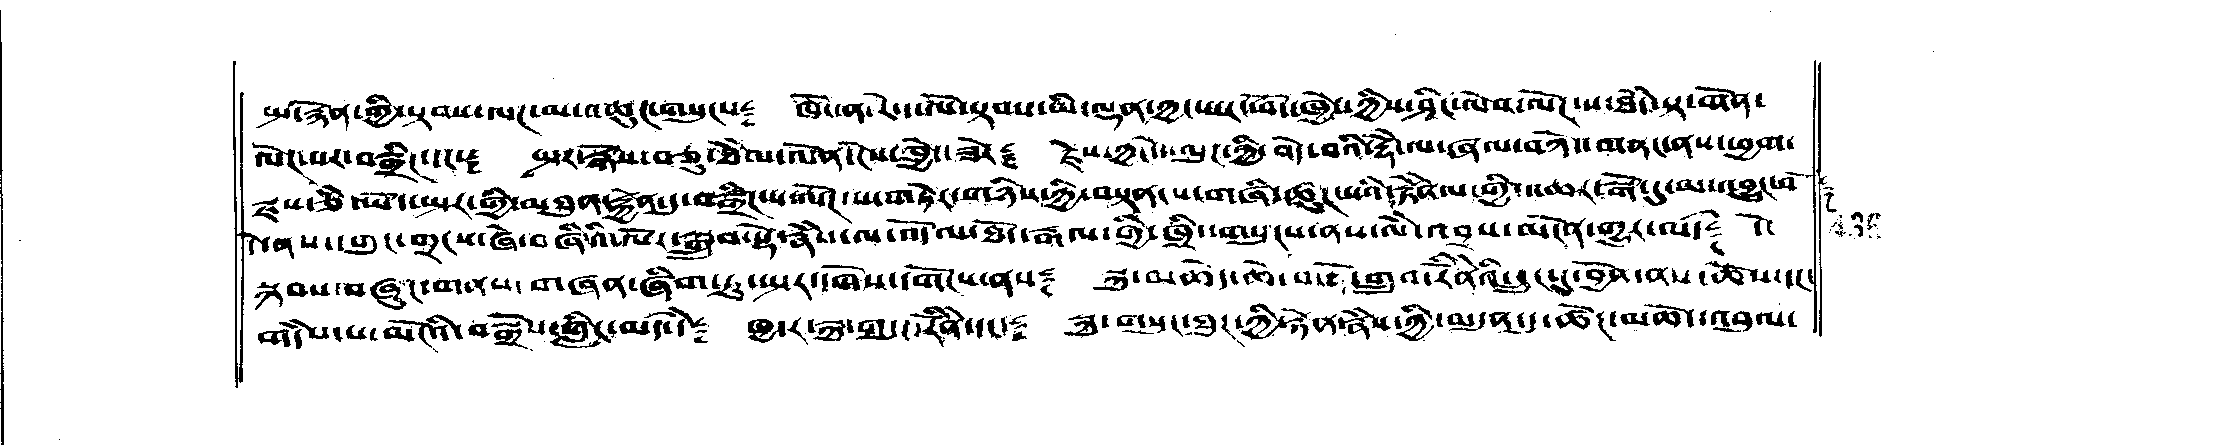སྤར་རྐོས་ཀྱི་སྟབས་ལགས་མ་འཆུགས་གསུངས། ཁོང་ན་རེ་ད་ལོ་སྟབས་མི་ལྡན་ཀྱང་སང་ཕོད་ཁྱེད་ཀྱིས་ཤིང་ལེབ་ལ་སོགས་པ་ཐམས་ཅད་སྟ་གོན་
ལེགས་པར་བསྒྲིགས་དང་། སྤར་རྐོས་བཅུ་ཙམ་ལོན་ངེས་བྱེད་ཟེར། རྗེས་ཀྱང་དེ་ལུགས་ཀྱི་བདེ་བའི་རྡོ་རྗེ་ལ་ཞལ་བཀོད་གནང་ནས་ཕྱག་
རྫས་ཅི་ཡོད་སྤར་གྱི་མཐུན་རྐྱེན་དུ་བསྒྲིགས་པ་ལ་སོགས་པ་གཏེར་གཉིས་ཀྱི་བསྟན་པ་གཞི་ཚུགས་པའི་རྟེན་འབྲེལ་གྱི་འཆར་སྒོ་དུ་མ་འབྱུང་ངོ་། 
དེ་ནས་དགུང་གྲངས་ཞེ་བཞིའི་ལོར་སྒྲུབ་སྟེ་རྣམས་ལ་འོད་གསལ་ཐོད་རྒལ་གྱི་ཁྲིད་གསུངས་ནས་ལམ་འབྲས་མངོན་གྱུར་མཛད། དེ་
སྐབས་བཞུགས་གནས་གཞན་ཞིག་ཏུ་སྤར་དགོས་དགོངས་ནས། སྐུ་མཆེད་ཆེ་བ་རྡོ་གྲུབ་རིན་པོ་ཆེའི་དྲུང་དུ་བྱོན་ནས་ཆོས་དང་
གདམས་པ་མང་པོའི་བསྒྲོ་གླེང་མཛད་དེ། ཁྱད་པར་སྐུ་གདུང་རིན་པོ་ཆེ་དང་། སྐུ་གསུང་ཐུགས་ཀྱི་རྟེན་རྣམས་ཀྱི་མདུན་དུ་ཚོགས་མཆོད་འབུལ་